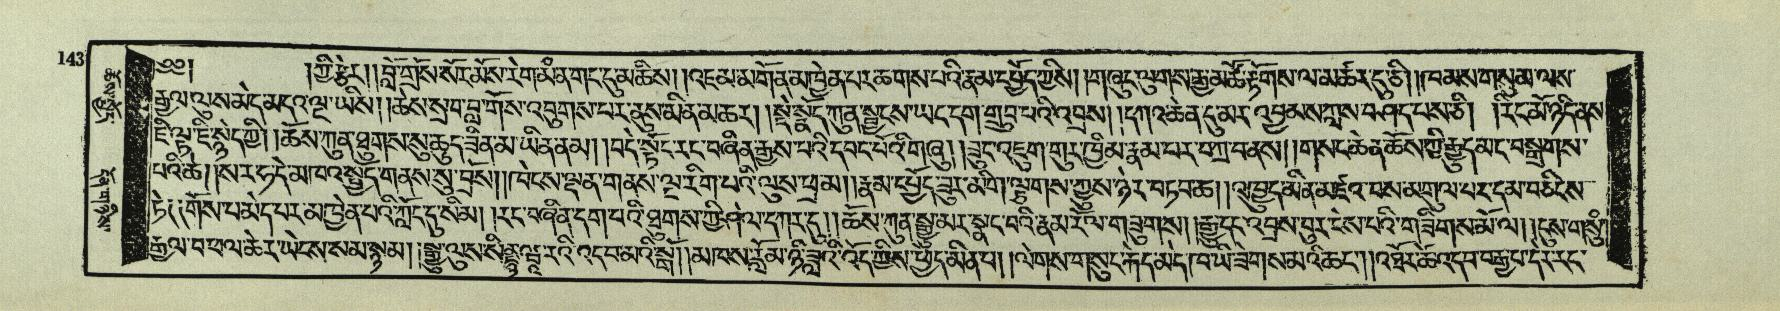༄༅། །ཀྱི་རྩེར། །བློ་གྲོས་སོར་མོས་རེག་མཾ་ན་གང་དུ་མཆིས། །འཇམ་མགོན་མཁྱེན་པར་ཆགས་པའི་རྣམ་དཔྱོད་ཀྱིས། །གཞུང་ལུགས་རྒྱ་མཚོ་རྟོགས་ལ་མཚར་དུ་ཅི། །ཁམས་གསུམ་ལས་
རྒྱལ་ལུས་མེད་མདའ་ལྔ་ཡིས། །ཆེས་སྲབ་བླ་གོས་འབུགས་པར་ནུས་མིན་མཆར། །སྡེ་སྣོད་ཀུན་སྦྱངས་ཡང་དག་གྲུབ་པའི་འབྲས། །དཀའ་ཆེན་དུ་མར་འབྱམས་ཀླས་བཤད་པས་ཅི། །རིང་མོ་ཉིད་ནས་
ཇི་ལྟ་ཇི་སྙེད་ཀྱི། །ཆོས་ཀུན་ཐུགས་སུ་ཆུད་ཟིན་མ་ཡིན་ནམ། །བདེ་སྟོང་རང་བཞིན་རྒྱས་པའི་དབང་པོའི་གཞུ། །ཟུང་འཇུག་གུར་ཁྱིམ་རྣམ་པར་བཀྲ་བ་ནས། །གསང་ཆེན་ཆོས་ཀྱི་རྒྱུད་མང་བསྒྲགས་
པའི་ཆེ། །སར་ཧ་དེ་མཁའ་སྤྱོད་གནས་སུ་བྲོས། །ཁེངས་ལྡན་གནས་ལྔ་རིག་པའི་ལུས་ཕྲ་མ། །རྣམ་དཔྱོད་ཟུར་མིག་ལྕགས་ཀྱུས་ཉེར་བཏབ་ཆ། །འཁྱུད་མིན་མཛའ་བས་མགུལ་པར་དམ་བཅིངས་
ཏེ༑ ༑གོས་པ་མེད་པར་མཁྱེན་པའི་ཀློང་དུ་སིམ། །རང་བཞིན་དག་པའི་ཐུགས་ཀྱི་ཤེལ་དཀར་དུ། །ཆོས་ཀུན་སྒྱུ་མར་སྣང་བའི་རྣམ་རོལ་གཟུགས། །རྒྱུ་དང་འབྲས་བུར་ངེས་པའི་གཟིགས་མོ་ལ། །དུས་གསུཾ་
རྒྱལ་བ་ཕལ་ཆེར་ཡེངས་སམ་སྙམ། །སྒྱུ་ལུས་སིནྡྙ་ཝཱ་རའི་འདབ་མའི་སྒོ། །མཁས་རློམ་ཉི་ཟླའི་འོད་ཀྱིས་ཕྱེད་མིན་པ། །ལེགས་གསུང་རྐེད་མེད་ཁ་ཡི་ཟེགས་མའི་ཆང་། །འཐོར་ཚེ་འདབ་བརྒྱ་པ་དེར་རང་